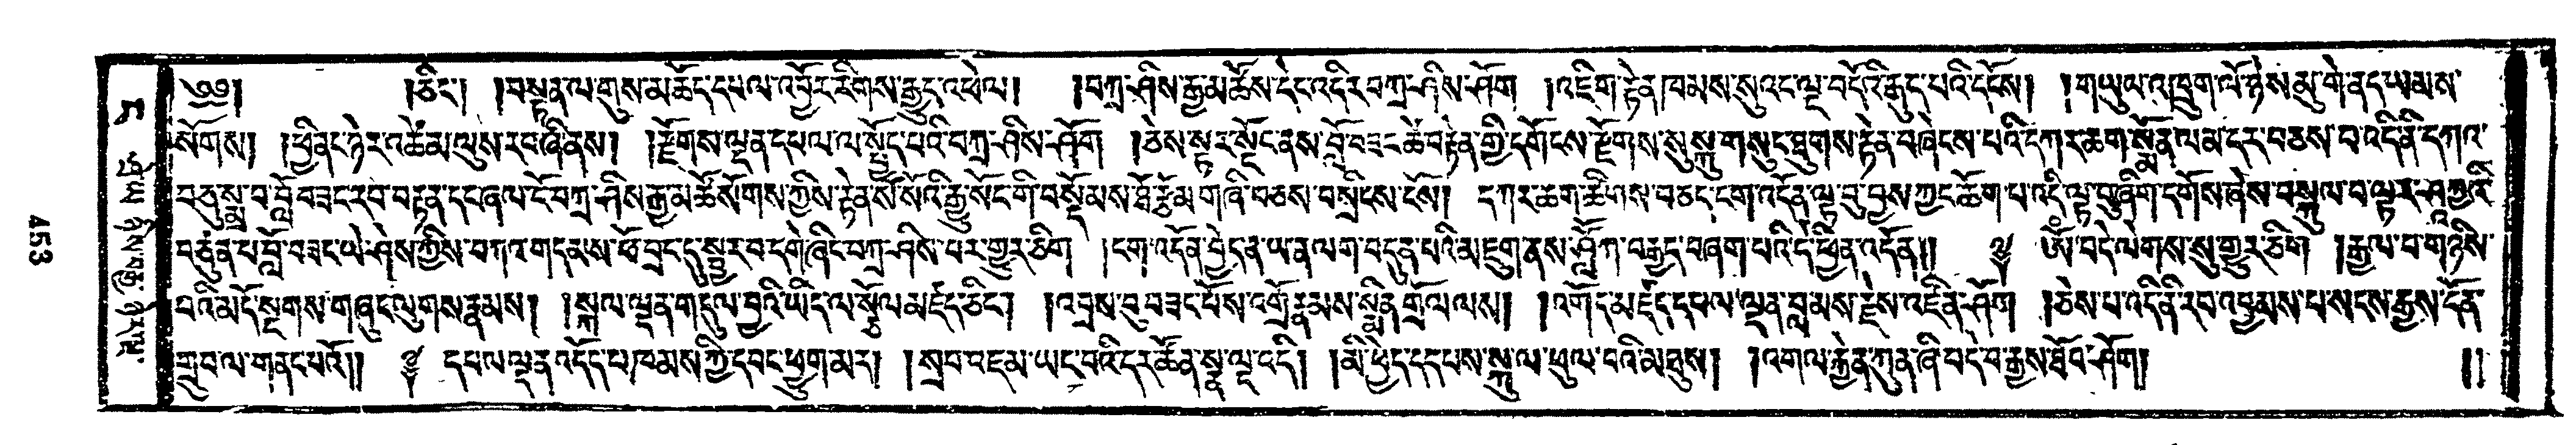༄༅། །ཅིང་། །བསྟན་ལ་གུས་མཆོད་དཔལ་འབྱོར་རིགས་རྒྱུད་འཕེལ། །བཀྲ་ཤིས་རྒྱ་མཚོས་དེང་འདིར་བཀྲ་ཤི་ཤོག །འཇིག་རྟེན་ཁམས་སུའང་ལྔ་བདོའི་རྒུད་པའི་དངོས། །གཡུལ་འཁྲུག་ལོ་ཉེས་མུ་གེ་ནད་ཡམས་
སོགས། །ཕྱི་ནང་ཉེར་འཚེམ་ལུས་རབ་ཞི་ནས། །རྫོགས་ལྡན་དཔལ་ལ་སྤྱོད་པའི་བཀྲ་ཤིས་ཤོག །ཅེས་སྟར་སྡོང་ནས་བློ་བཟང་ཚེ་བརྟེན་གྱི་དགོངས་རྫོགས་སུ་སྐུ་གསུང་ཐུགས་རྟེན་བཞེངས་པའི་དཀར་ཆ་སྨོན་ལམ་དར་བཅས་བ་འདི་ནི་དཀའ་
བཅུ་སྨྲ་བ་བློ་བཟང་རབ་བརྟན་དང་ཞལ་ངོ་བཀྲ་ཤིས་རྒྱ་མཚོ་སོགས་ཀྱིས་རྟེན་སོ་སོའི་རྒྱུ་སོང་གི་བསྔོམས་ཐོ་རྩོམ་གཞི་བཅས་བསྲིངས་ངོས། དཀར་ཆག་ཚིགས་བཅད་ངག་འདོན་ལྟ་བུ་བྱས་ཀྱང་ཆོག་པ་འདི་ལྟ་བུ་ཞིག་དགོས་ཞེས་བསྐུལ་བ་ལྟར་ཤྰྐྱའི་
བཙུན་པ་བློ་བཟང་ཡེ་ཤེས་ཀྱིས་བཀའ་གདམས་ཕོ་བྲང་དུ་སྦྱར་བ་དགེ་ཞིང་བཀྲ་ཤིས་པར་གྱུར་ཅིག །ངག་འདོན་བྱེད་ན་ཡན་ལག་བདུན་པའི་མཇུག་ནས་ཤླཽཀ་བརྒྱད་བཞག་པའི་དེ་ཕྱིན་འདོན།། ༈ ཨོཾ་བདེ་ལེགས་སུ་གྱུར་ཅིག །རྒྱལ་བ་གཉིས་
བའི་མདོ་སྔགས་གཞུང་ལུགས་རྣམས། །སྐལ་ལྡན་གདུལ་བྱའི་ཡིད་ལ་རྩོམ་མཛད་ཅིང་། །འབྲས་བུ་བཟང་པོས་འགྲོ་རྣམས་སྨིན་གྲོལ་ལས། །འགོད་མཛད་དཔལ་ལྡན་བླ་མས་རྗེས་འཛིན་ཤོག །ཅེས་པ་འདི་ནི་རབ་འབྱམས་པ་སངས་རྒྱས་རྒྱས་དོན་
གྲུབ་ལ་གནང་པའོ།། ༈ དཔལ་ལྡན་འདོད་པ་ཁམས་ཀྱི་དབང་ཕྱུག་ཕྱུག་མར། །སྲབ་འཇམ་ཡང་བའི་དར་ཚོན་སྣ་ལྔ་འདི། །མི་ཕྱེད་དད་པས་སྐུ་ལ་ཕུལ་བའི་མཐུས། །འགལ་རྐྱེན་ཀུན་ཞི་བདེ་བ་རྒྱས་ཐོབ་ཤོག། །།